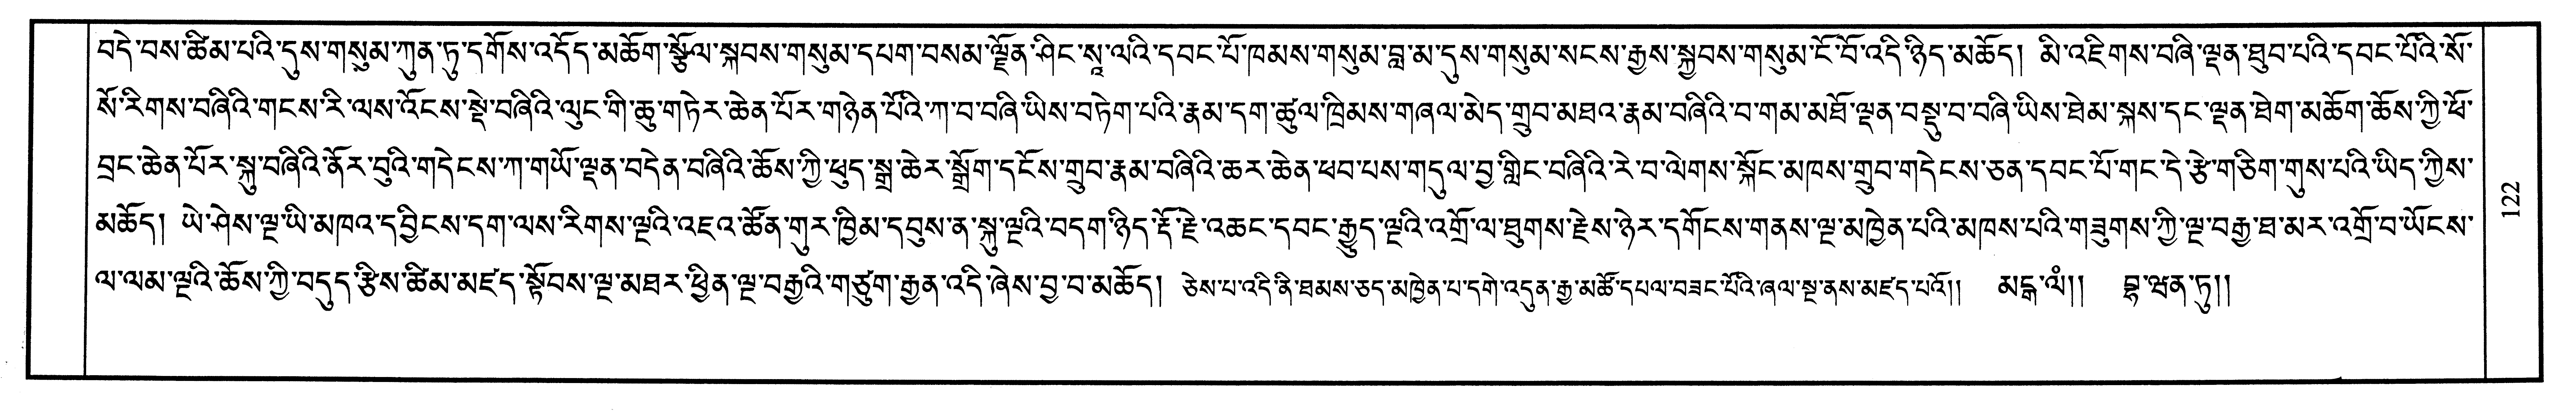བདེ་བས་ཚིམ་པའི་དུས་གསུམ་ཀུན་ཏུ་དགོས་འདོད་མཆོག་སྩོལ་སྐབས་གསུམ་དཔག་བསམ་ལྗོན་ཤིང་སཱ་ལའི་དབང་པོ་ཁམས་གསུམ་བླ་མ་དུས་གསུམ་སངས་རྒྱས་སྐྱབས་གསུམ་ངོ་བོ་འདི་ཉིད་མཆོད། མི་འཇིགས་བཞི་ལྡན་ཐུབ་པའི་དབང་པོའི་སོ་
སོ་རིགས་བཞིའི་གངས་རི་ལས་འོངས་སྡེ་བཞིའི་ལུང་གི་ཆུ་གཏེར་ཆེན་པོར་གཉེན་པོའི་ཀ་བ་བཞི་ཡིས་བཏེག་པའི་རྣམ་དག་ཚུལ་ཁྲིམས་གཞལ་མེད་གྲུབ་མཐའ་རྣམ་བཞིའི་བ་གམ་མཐོ་ལྡན་བསྡུ་བ་བཞི་ཡིས་ཐེམ་སྐས་དང་ལྡན་ཐེག་མཆོག་ཆོས་ཀྱི་ཕོ་
བྲང་ཆེན་པོར་སྐུ་བཞིའི་ནོར་བུའི་གདེངས་ཀ་གཡོ་ལྡན་བདེན་བཞིའི་ཆོས་ཀྱི་ཕུད་སྒྲ་ཆེར་སྒྲོག་དངོས་གྲུབ་རྣམ་བཞིའི་ཆར་ཆེན་ཕབ་པས་གདུལ་བྱ་གླིང་བཞིའི་རེ་བ་ལེགས་སྐོང་མཁས་གྲུབ་གདེངས་ཅན་དབང་པོ་གང་དེ་རྩེ་གཅིག་གུས་པའི་ཡིད་ཀྱིས་
མཆོད། ཡེ་ཤེས་ལྔ་ཡི་མཁའ་དབྱིངས་དག་ལས་རིགས་ལྔའི་འཇའ་ཚོན་གུར་ཁྱིམ་དབུས་ན་སྐུ་ལྔའི་བདག་ཉིད་རྡོ་རྗེ་འཆང་དབང་རྒྱུད་ལྔའི་འགྲོ་ལ་ཐུགས་རྗེས་ཉེར་དགོངས་གནས་ལྔ་མཁྱེན་པའི་མཁས་པའི་གཟུགས་ཀྱི་ལྔ་བརྒྱ་ཐ་མར་འགྲོ་བ་ཡོངས་
ལ་ལམ་ལྔའི་ཆོས་ཀྱི་བདུད་རྩིས་ཚིམ་མཛད་སྟོབས་ལྔ་མཐར་ཕྱིན་ལྔ་བརྒྱའི་གཙུག་རྒྱན་འདི་ཞེས་བྱ་བ་མཆོད། ཅེས་པ་འདི་ནི་ཐམས་ཅད་མཁྱེན་པ་དགེ་འདུན་རྒྱ་མཚོ་དཔལ་བཟང་པོའི་ཞལ་སྔ་ནས་མཛད་པའོ།། མངྒ་ལཾ།། བྷ་ཝན་ཏུ།།